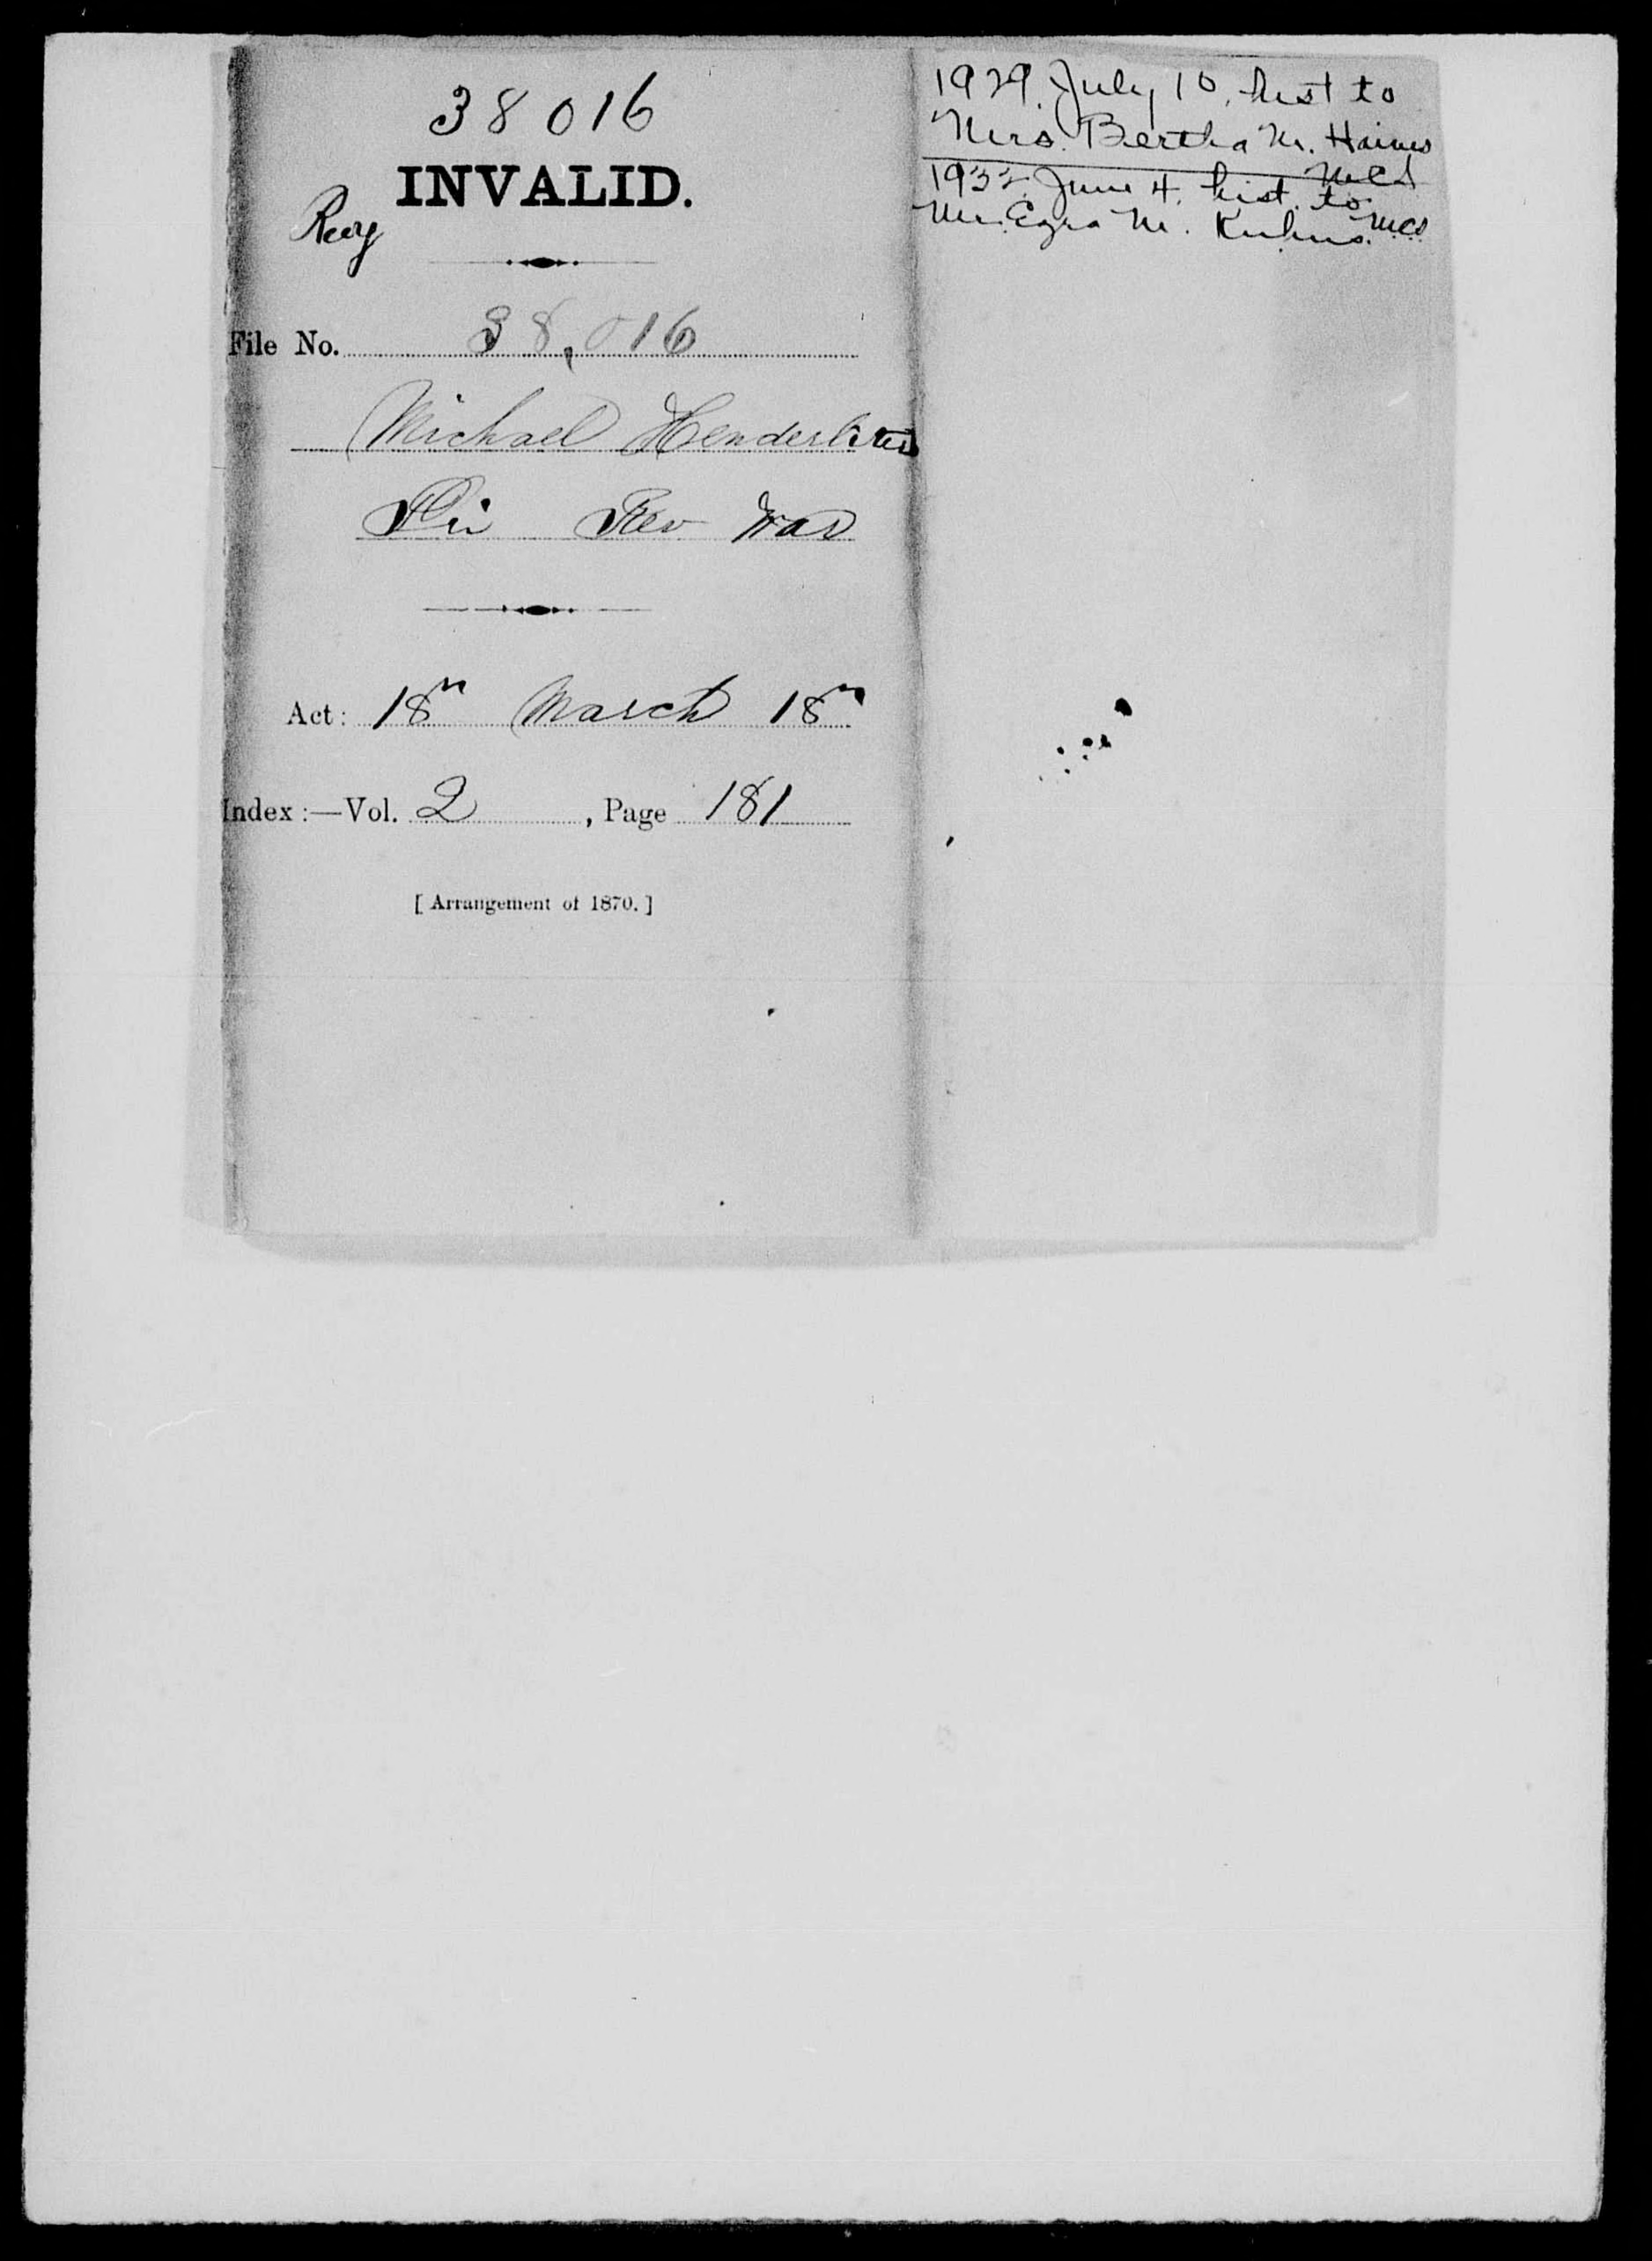38016
INVALID.
Recy
File No. 38,016
Michael Henderliter
(illegible) Rev. War

Act:  18th March 1818
Index: --Vol. 2, Page 181
(Arrangement of 1870.)

1929 July 10, hist. to Mrs. Bertha M Haines

1932 June 4.  hist. to Mr Ezra M Khuns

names: Bertha M Haines, Michael Henderliter, Ezra M Kuhns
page: 8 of 15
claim: survivor's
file: S. 38016, Michael Henderliter, Penn.